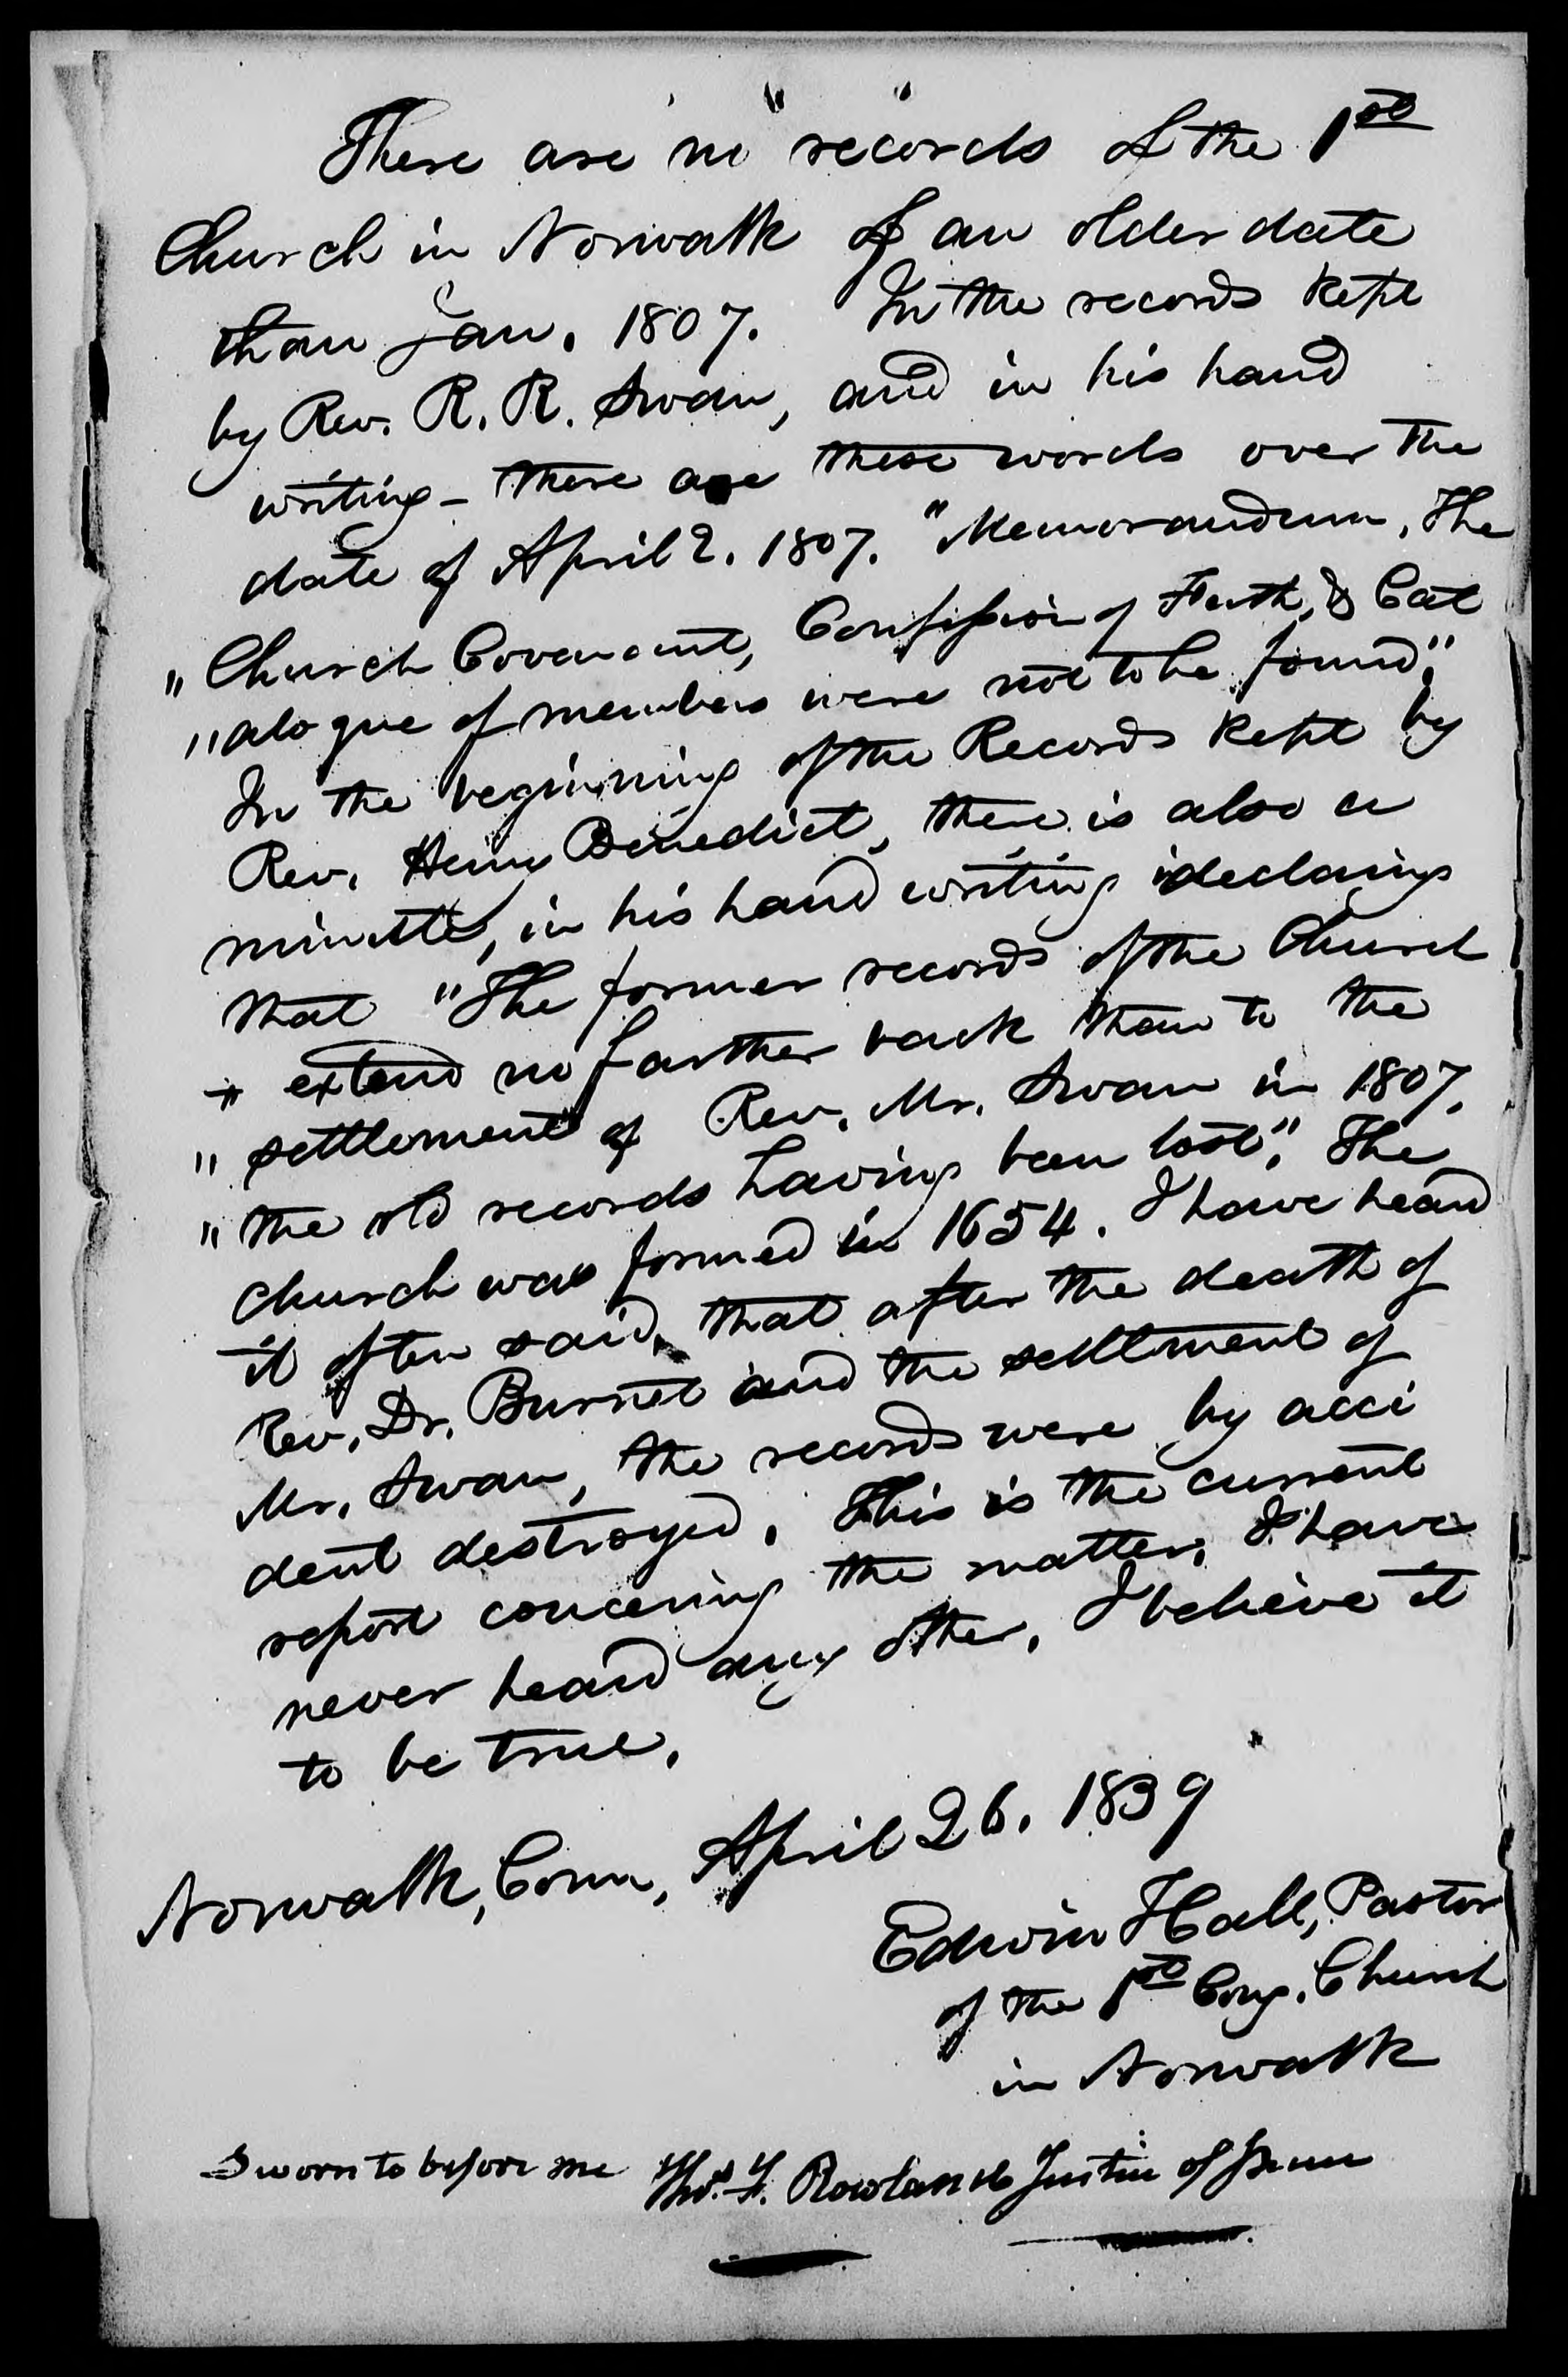There are no "records" of the 1st church in Norwalk of an older date than Jan. 1807. On the records kept by Rev. R.R. Swan, and in his hand writing-there are these word over the ate of April 9, 1807. "Memorandum, the Church Covenant, [unk] of Faith, & catalogue of member were not to be found," In the beginning of the records kept by Rev. Henry Benedict, there is also a [unk], in his hand writing declaring that "the former records of the Church extend no further back than to the settlement of Rev. Mr. Swan in 1807. The [unk] records having been last.: The church was formed in 1654. I have heard it often & air that after the death of Rev. Dr. Burnett and the settlement of Mr. Swan, the records were by accident destroyed. This is the current report concerning the matter, & have never heard any other. I believe it to be true.

Norwalk, Conn, April 26, 1839
.
Edwin Hall, Pastor of the 1st Cong. Church in Norwalk

Sworn to before me Thos. F Rowland Justice of Peace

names: Swan, R R Swan, Edwin Hall, Burnet, Henry Benedict, Swan, Thos F Rowland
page: 55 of 69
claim: widow's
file: W. 25562, Abijah Elwood, Conn.